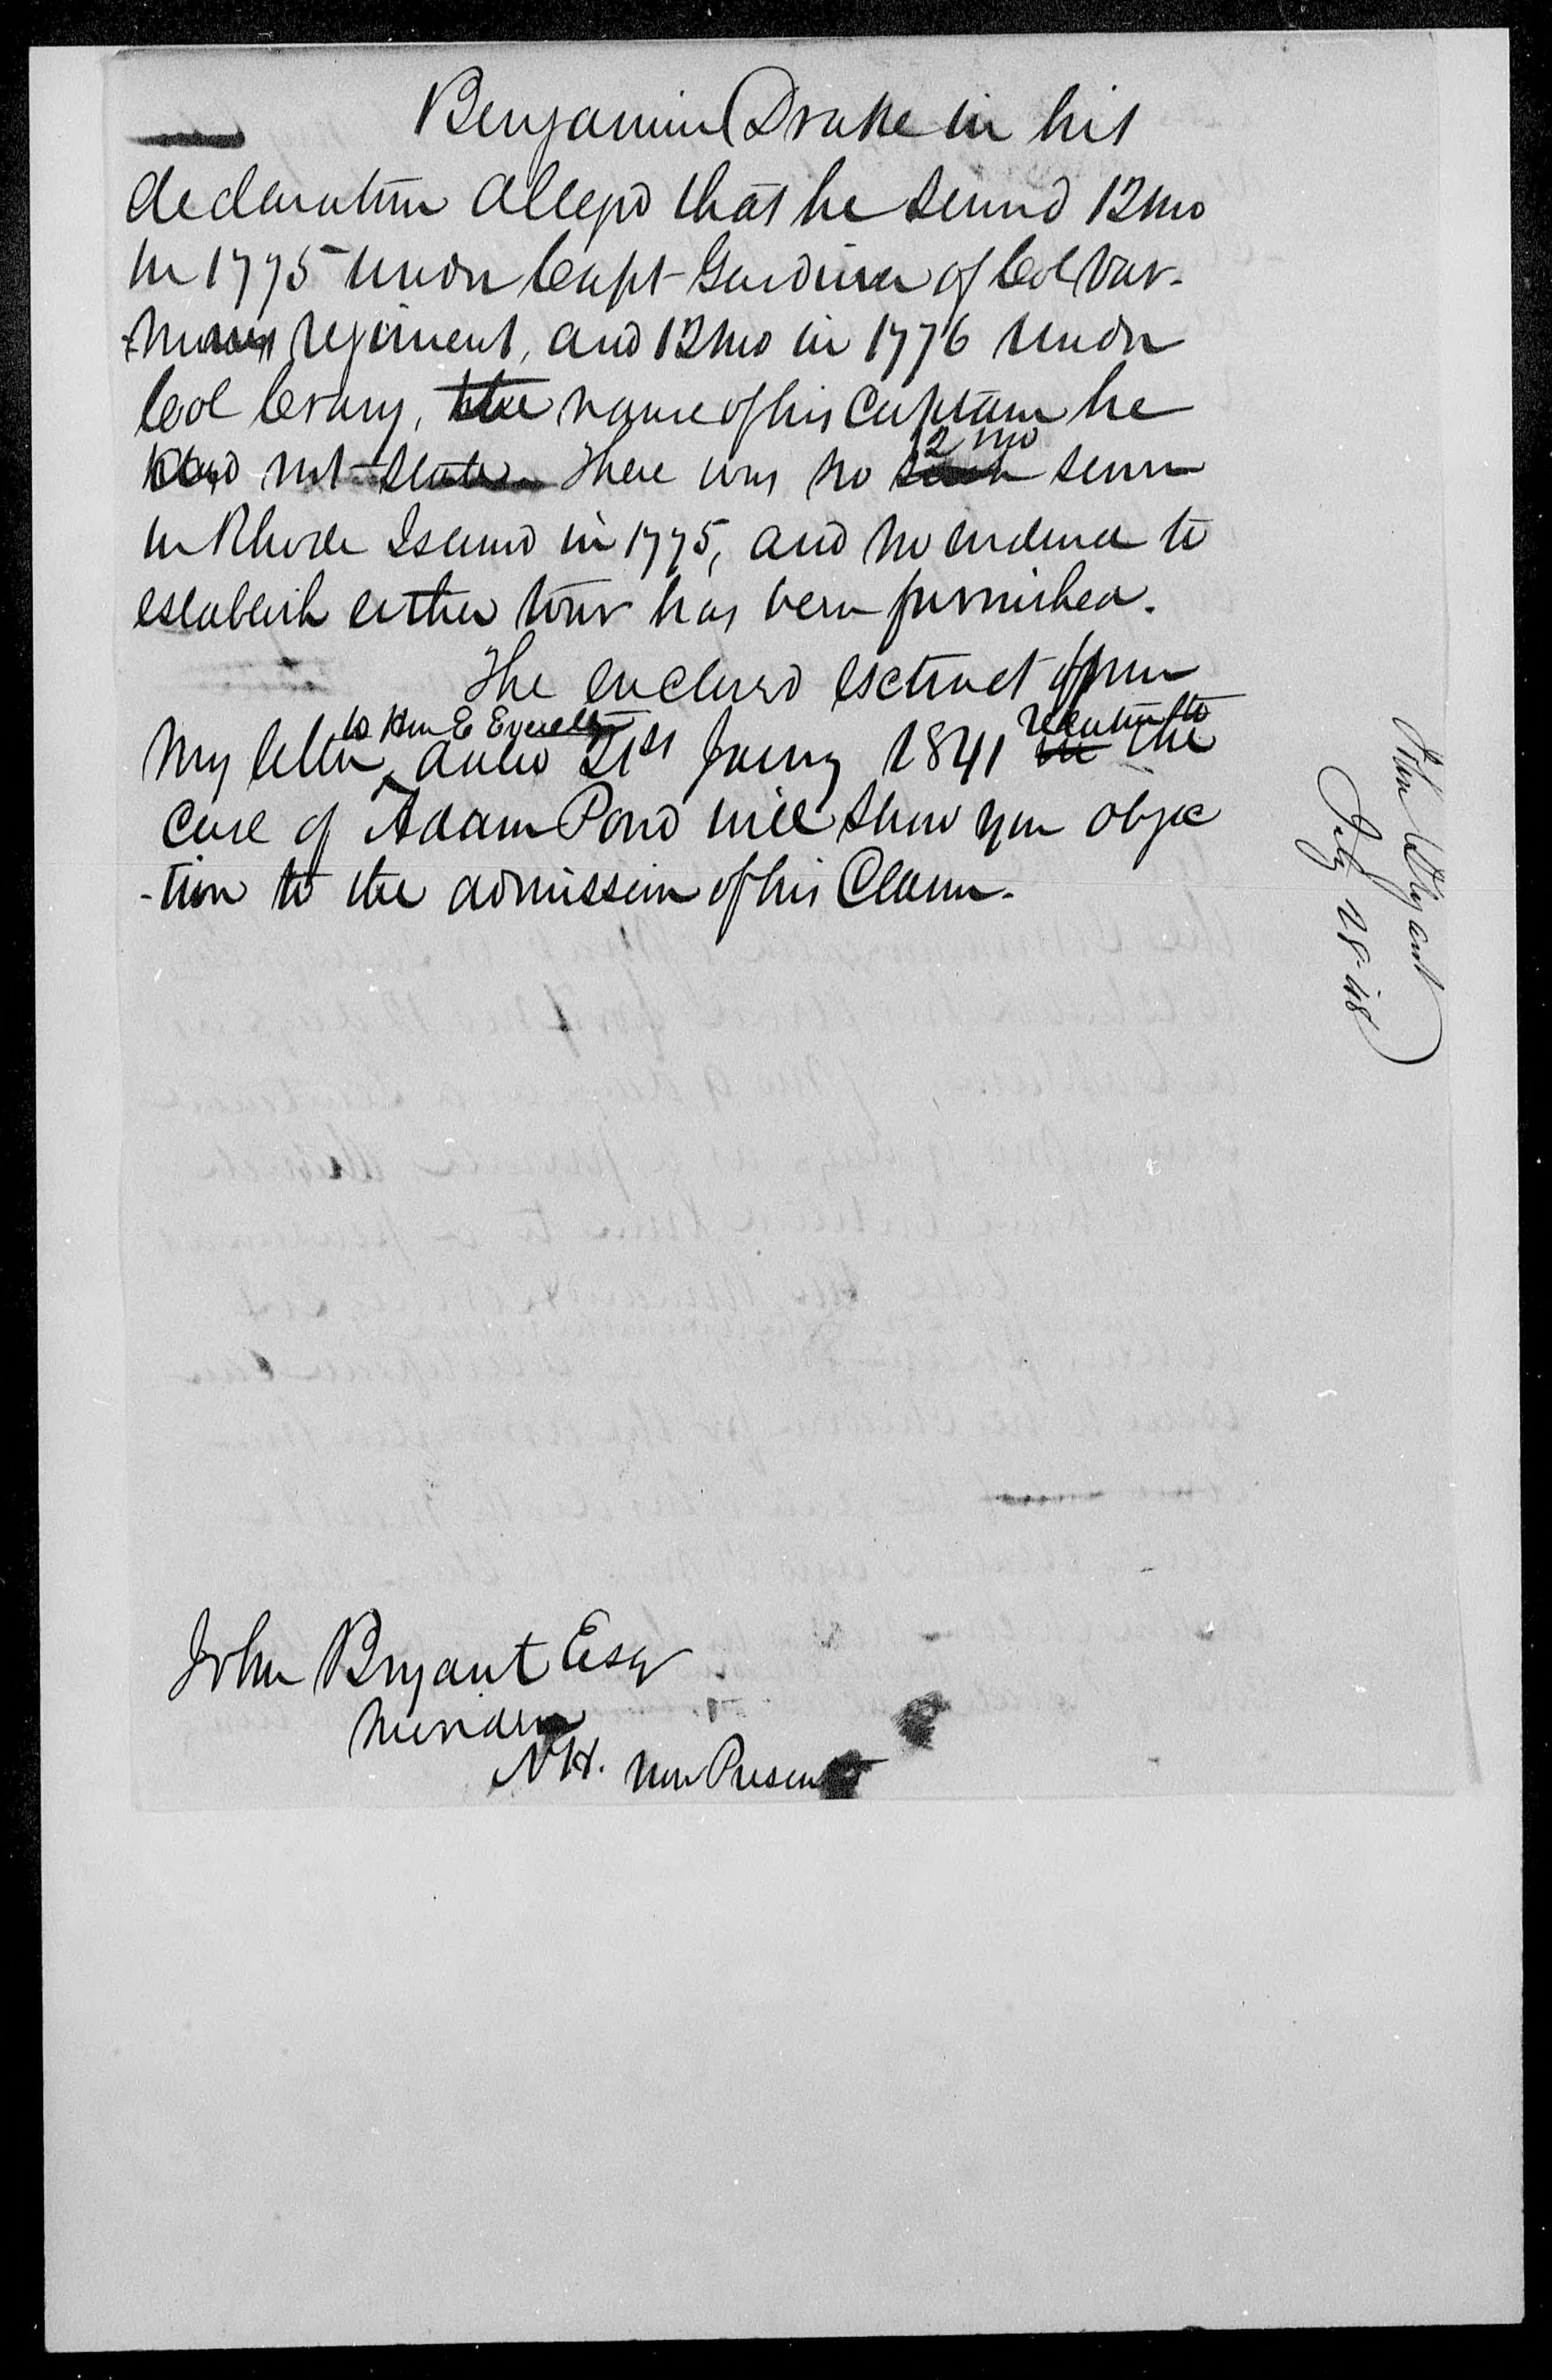Benjamin Dake in his declaration alleged that he served 12 mo in 1775 under captain Gardiner of Col. Varnum regiment and 12 mo in 1776 under Col. Crary the name of his captain he does not state. There was no 12 mo service in Rhode Island in 1775 and no  evidence to establish either tour has been furnished. 
The enclosed actual affixed my letter is HOn. E. [illegible] 21 Jan.y 1841 ... the case of Adam Pond will show you objection to the commission of his claim. 


John Bryant Esq.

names: Adam Pond, Crary, Benjamin Drake, John Bryant, John Bryant, Gardiner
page: 32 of 42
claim: rejected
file: R. 2,625, Benjamin Dake, R.I.